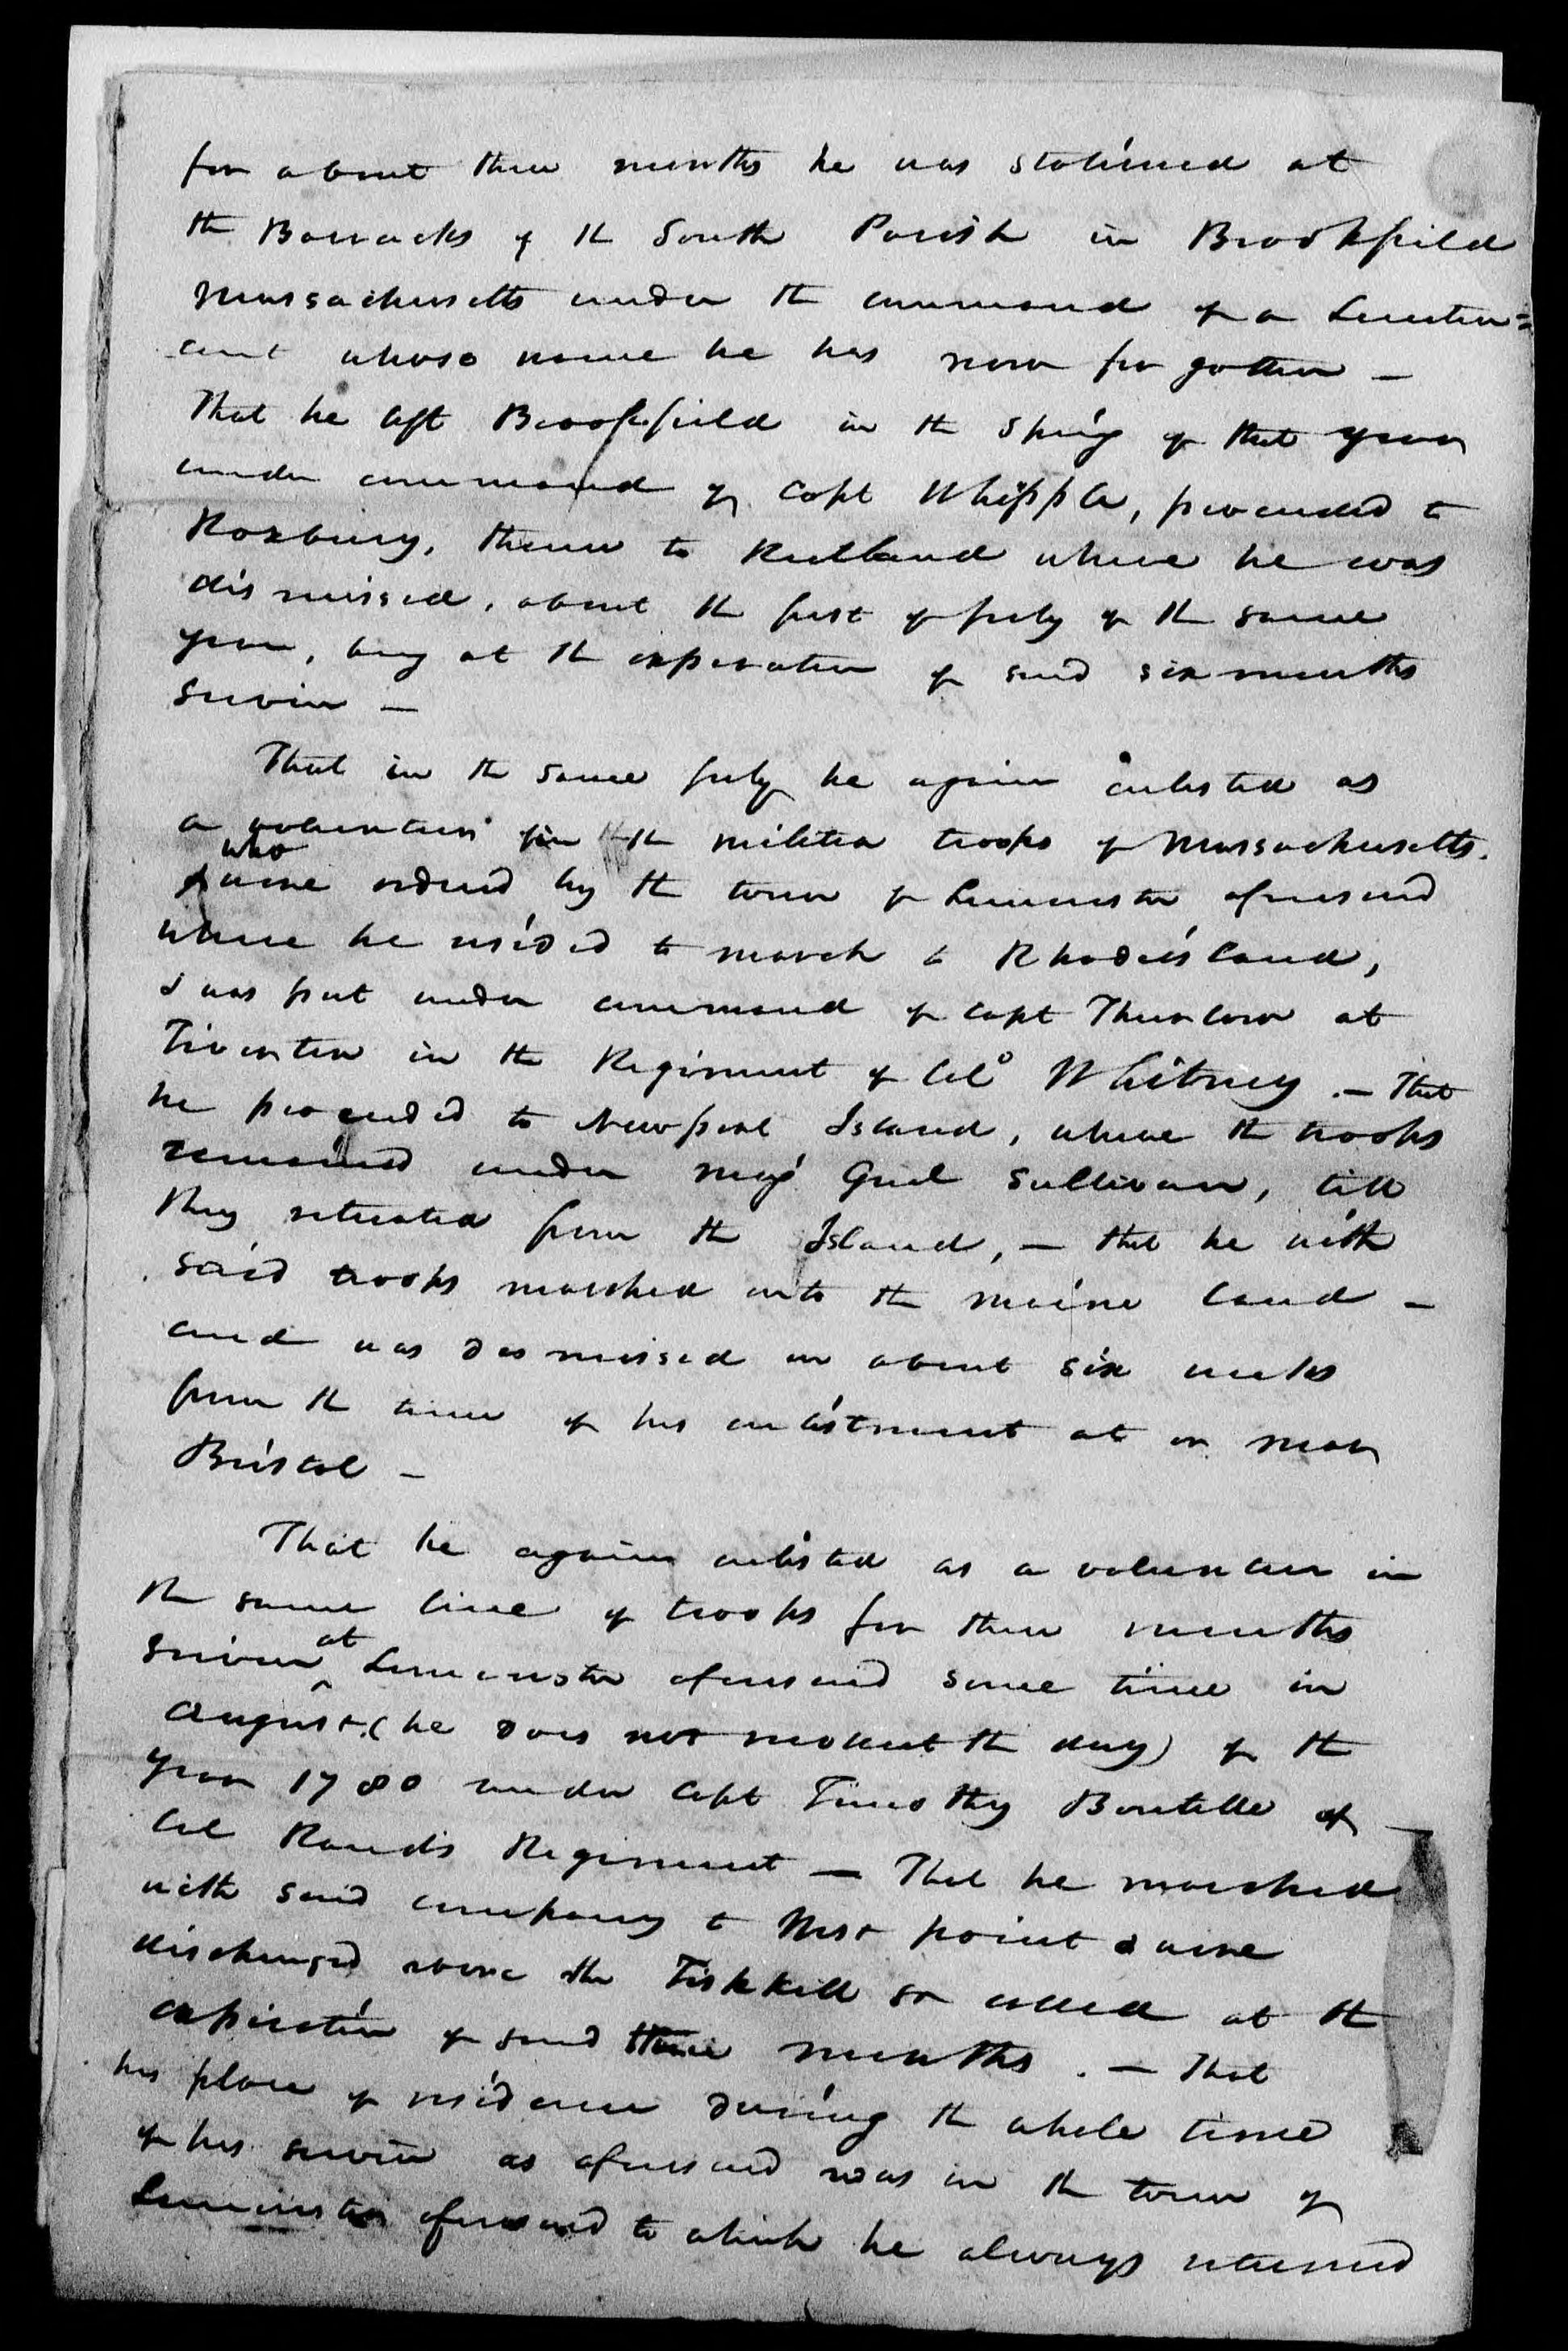for about three months he was stationed at
the Barracks of 16 South Parish in Brookfield
Massachusetts under the command of a Lieutenant
out whose name he has now for John
---
that he at Brookfield in the spring of that year
under
command of Capt Whipple, proceeded to
Roxbury, thence to Rutland where he was
dismissed, about the first of July of the same
give, by at the expiration of said six months
Service
---
that in the same July he again enlisted as
volunteer in the militia troops of Massachusetts
who [illegible] ordered by the town of Leominster [illegible]
where he resided to march to Rhodisland,
was put under command of Capt Thurlow at  Tiverton in the Regiment of A Whitney- that
he proceeded to Newport Island, where the troops
surrendered under General Sullivan, till
they returned from the
Island - that he with
said troops marched into the [illegible] land and
was dismissed in about six weeks
in the time of his enlistment at or near
Bristol
---
That he again enlisted as a volunteer in
same line of troops for three months
service at Leominster aforesaid same time in August  (he does not [illegible] the day) of the
year 1780 under Capt Timothy Bontelle of
Col Rands Regiment - That he marched
the said company to West point and was 
discharged above the Fishkill in and at the
[illegible] of said three months. That his
place of residence during the whole time
his service as aforesaid was in the town of
[illegible] aforesaid to which he always returned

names: Thurlow, Timothy Bontelle, Whipple, Whitney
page: 6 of 10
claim: survivor's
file: S. 29083, Ebenezer Colburn, Mass.